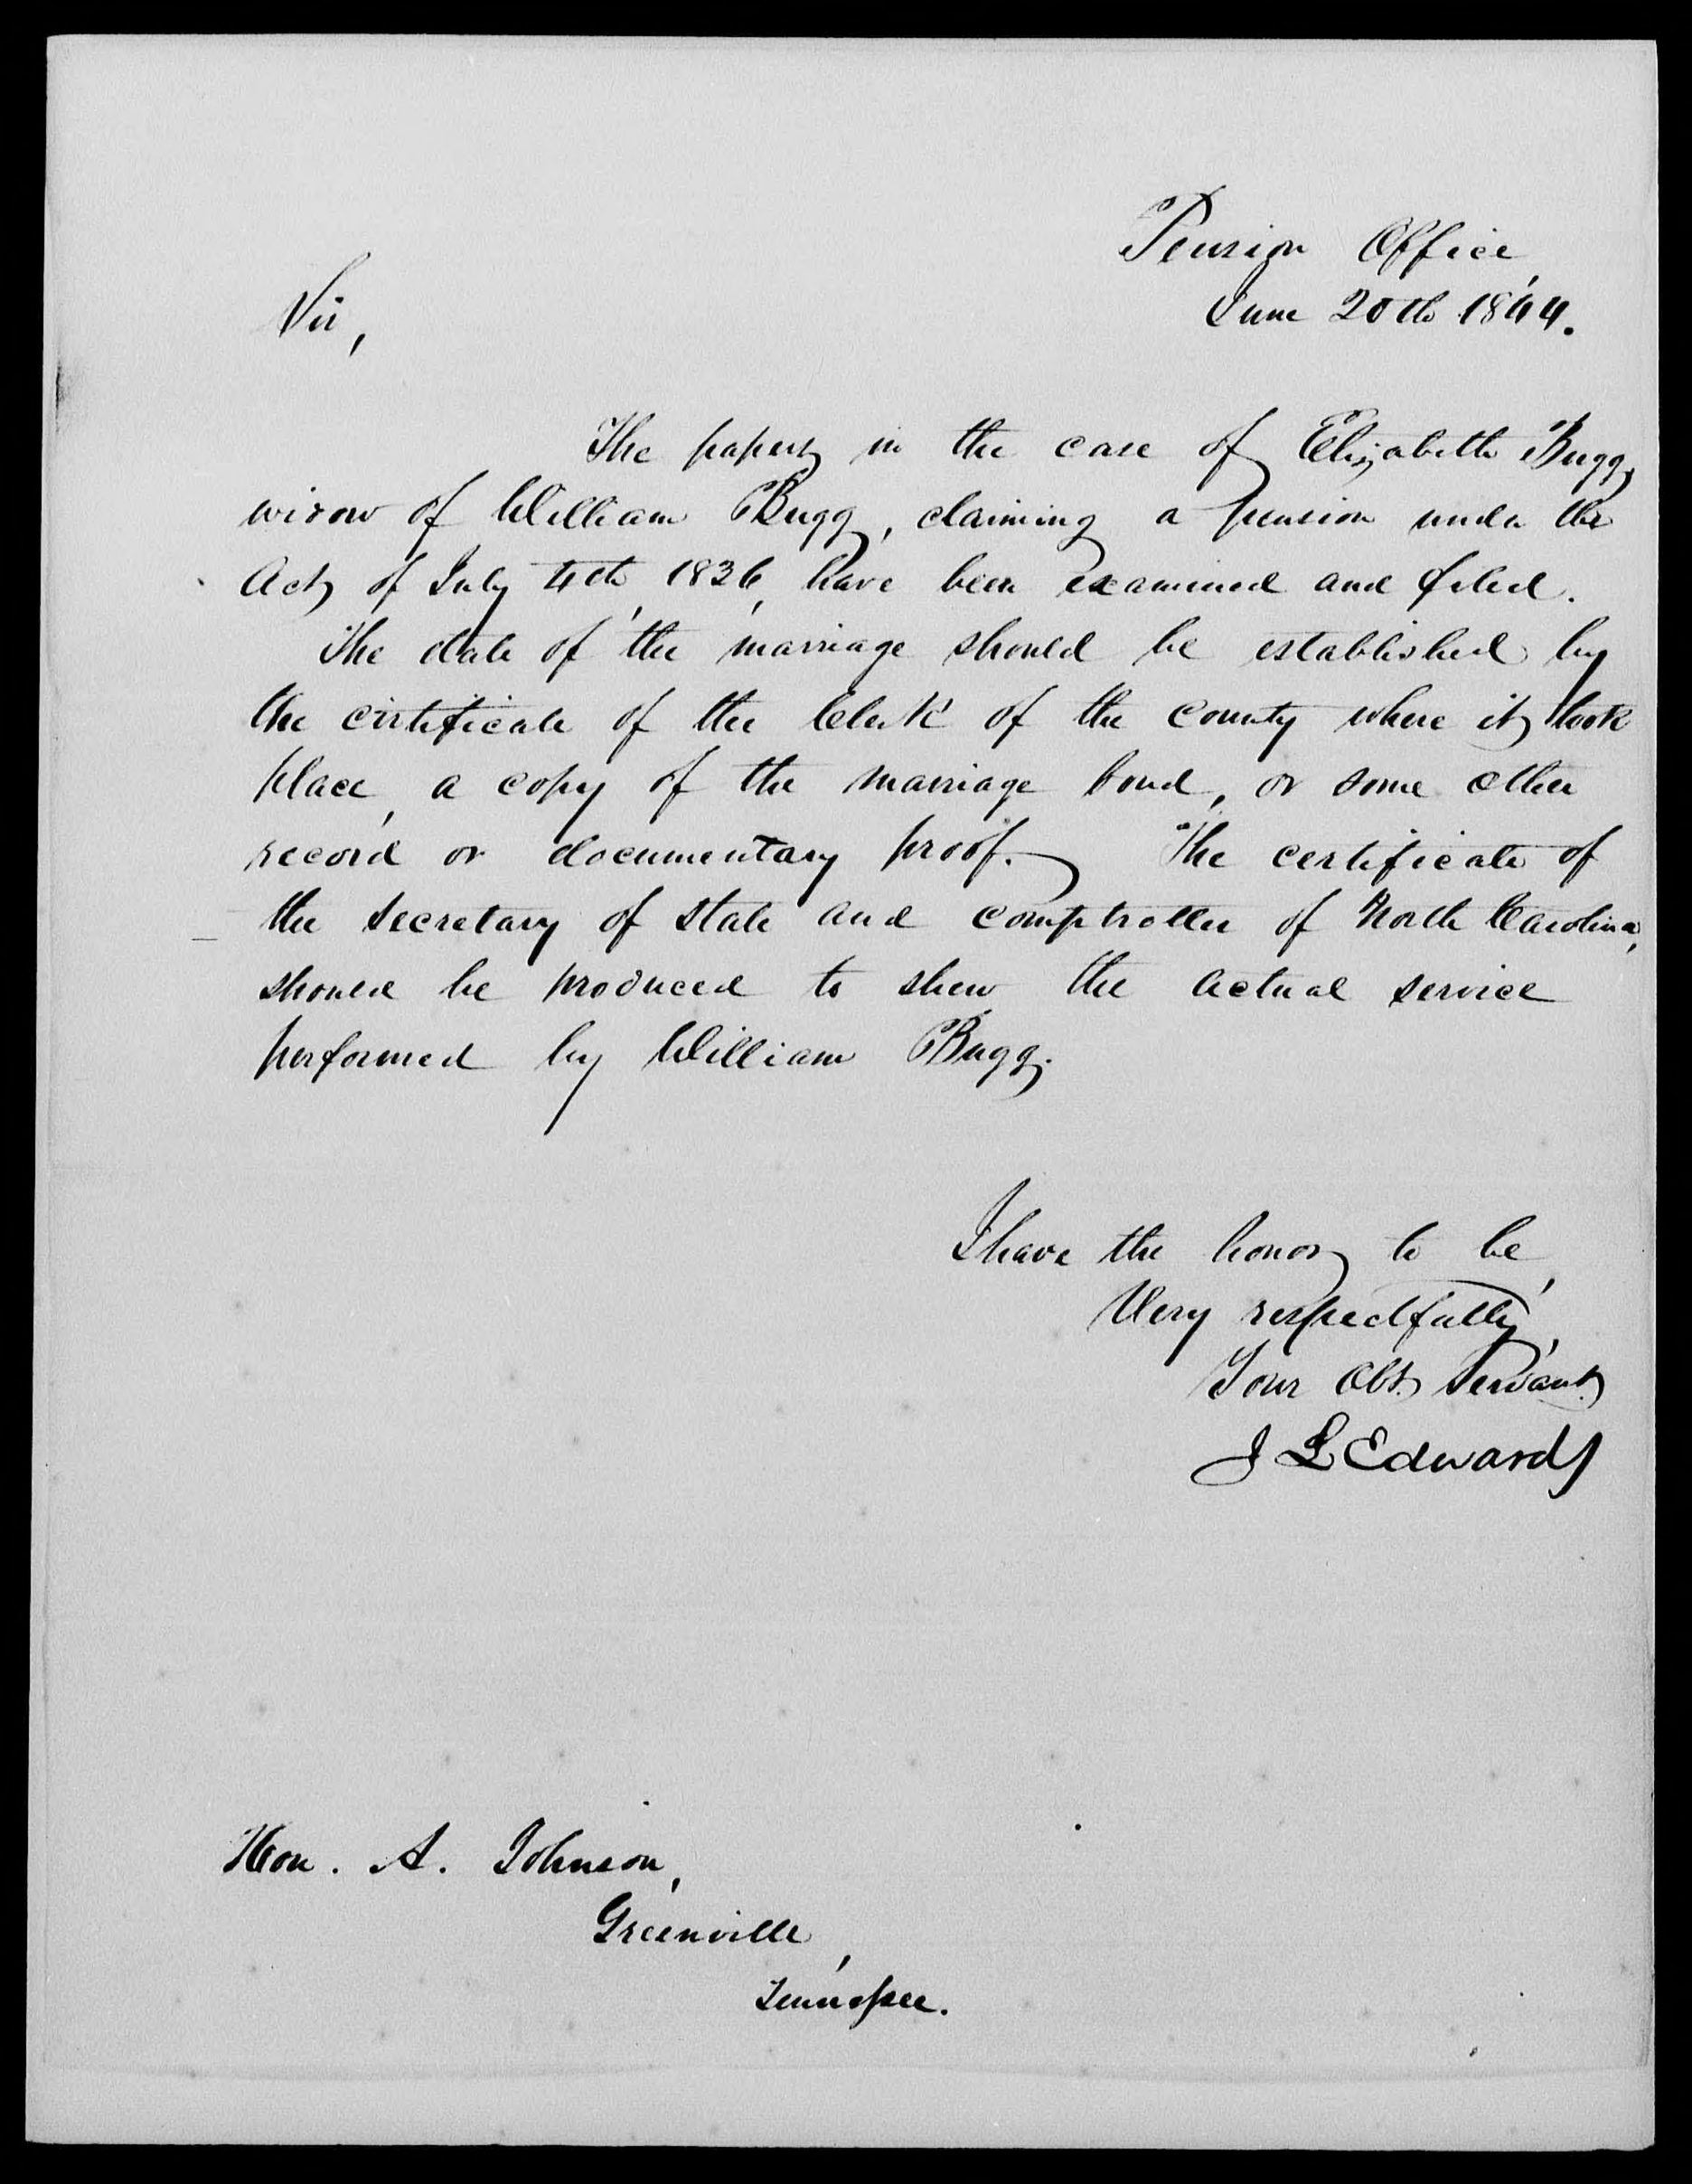Pension Office,
June 20th 1844.

Sir, 
The papers in the case of Elizabeth Bugg, widow of William Bugg, claiming a pension under the Act of July 4th 1836, have been examined and filed.  

The date of the marriage should be established by the cirtificate of the Clerk of the County where it took place, a copy of the marriage bond, or some other record or documentary proof.  The certificate of the Secretary of State and comptroller of North Carolina, should be produced to shew the Actual Service performed by William Bugg.

I have the honor to be, 
Very respectfully, 
Your obt. [obediant] Servant.
J L Edwards

Hon. A. Johnson, Greenville, Tennessee.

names: A Johnson, J L Edwards, Elizabeth Bugg, William Bugg, William Bugg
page: 33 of 50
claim: widow's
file: W. 898, William Bugg, N.C.